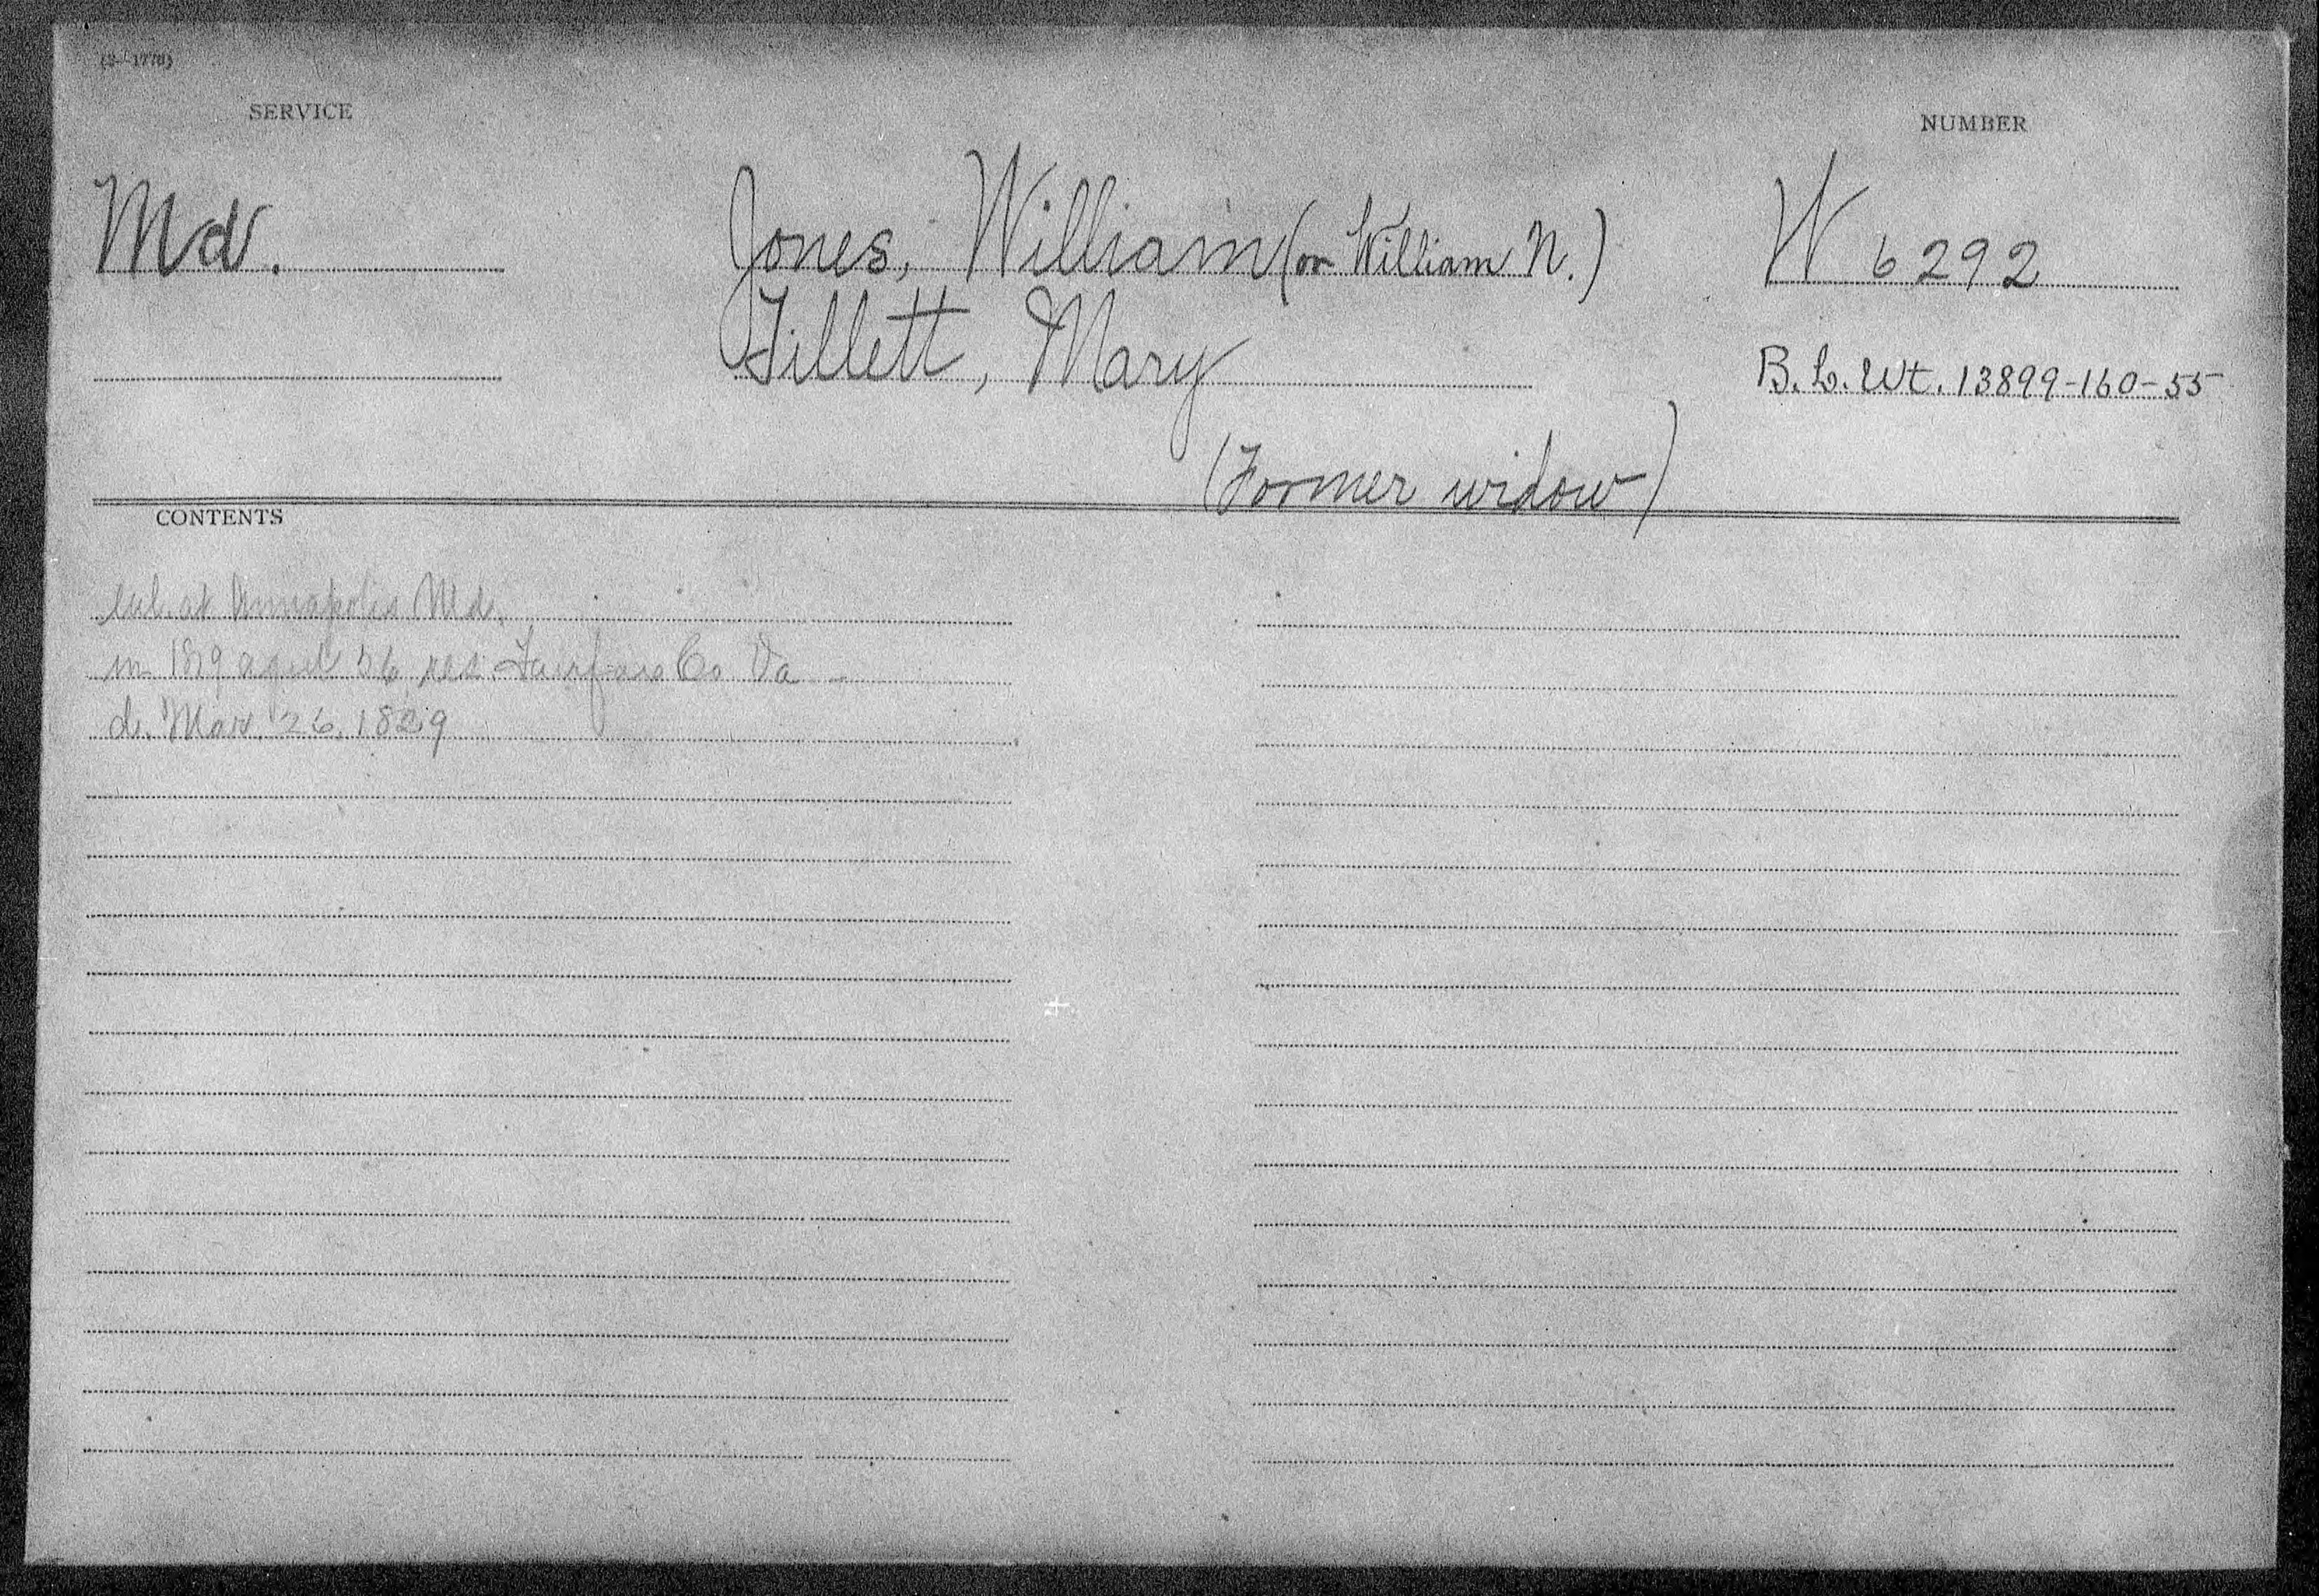(3-1776)

SERVICE                                                     NUMBER
Md.           Jones, William (or William N.)  W6292
                  Tillett, Mary      B.L.Wt. 13899-160-55
                        (Former widow)

CONTENTS
enl. at Annapolis Md.
in 1819 aged 26 res. Fairfax Co. Va.
d. Mar 26, 1829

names: William N Jones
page: 1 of 39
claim: widow's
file: W 6292, for William Jones, Maryland